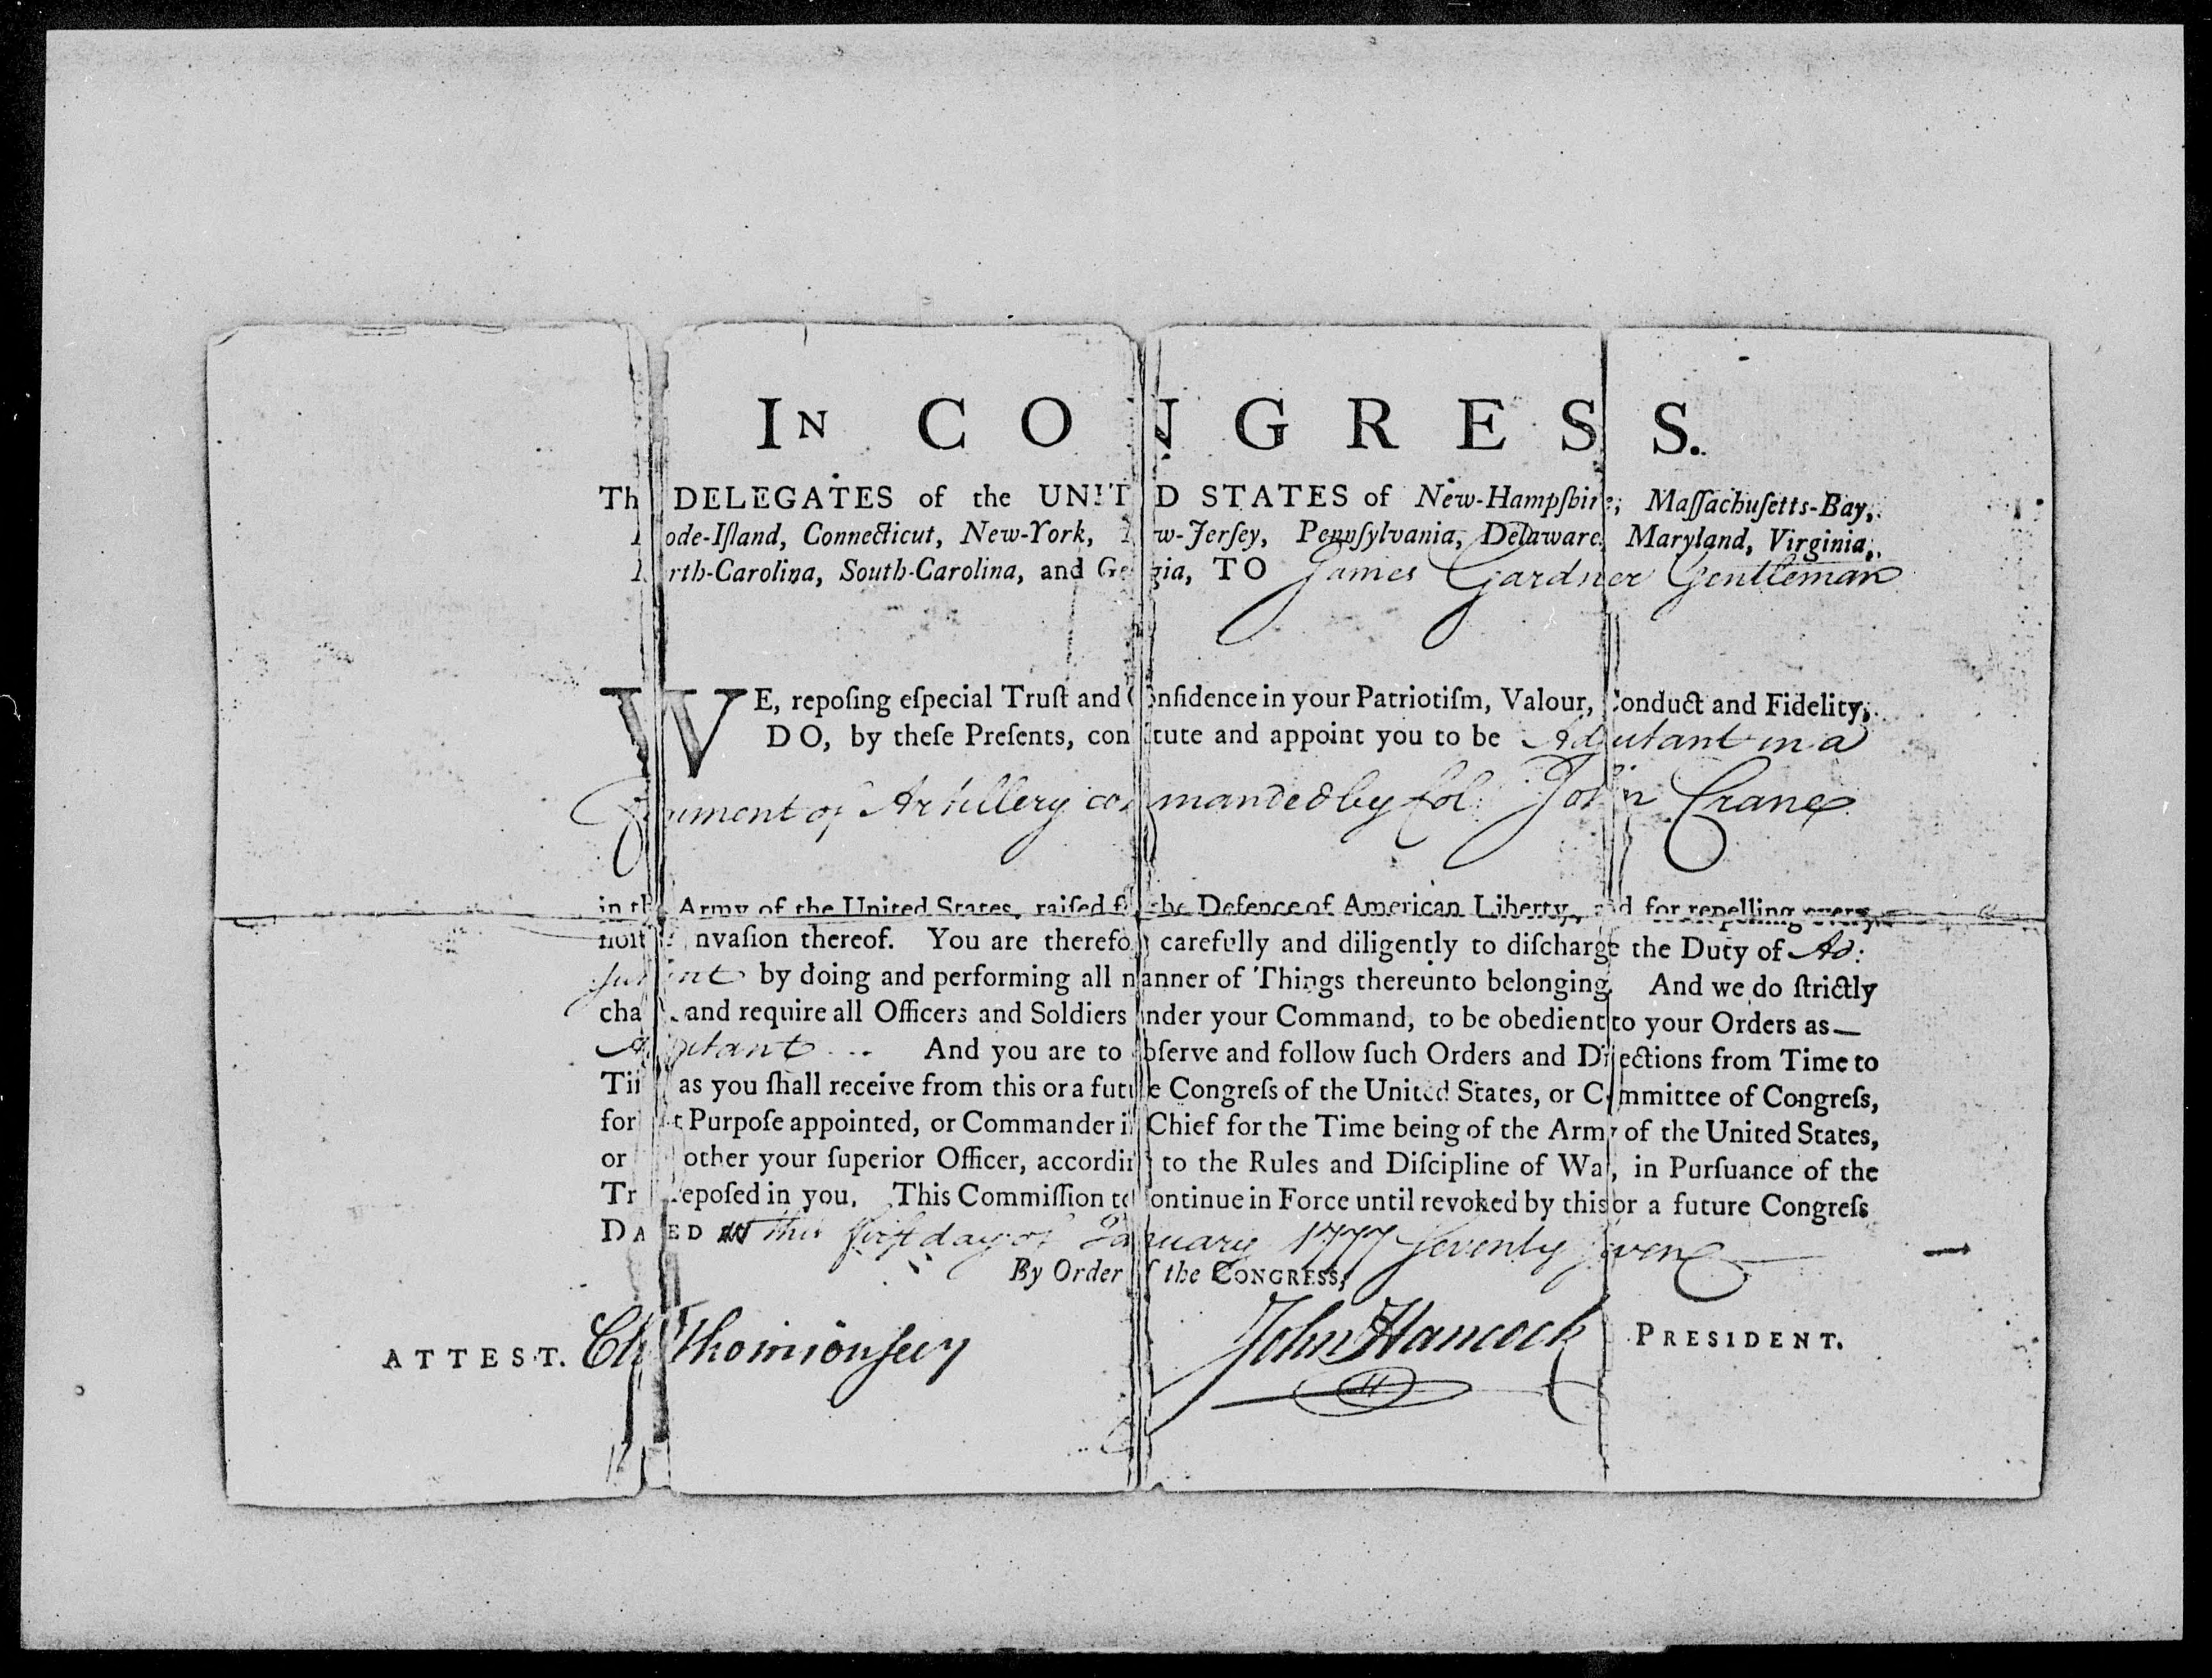In CONGRESS
The DELEGATES of the UNITED STATES of New Hampshire, Massachusetts-Bay, Rhode Island, Connecticut, New-York, New-Jersey, Pennsylvania, Delaware, Maryland, Virginia, North-Carolina, South-Carolina, and Georgia, TO James Gardner Gentleman
WE reposing especial Trust and Confidence in your Patriotism, Valour, Conduct and Fidelity, DO, by these Presents, constitute and appoint you to be Adjutant in a Regiment of Artillery commanded by Col. John Crane in the Army of the United States raised for the Defence of American Liberty, and for repelling [illegible] from the invasion thereof. You are therefore carefully and diligently to discharge the Duty of Adjutant by doing and performing all manner of Things thereunto belonging. And we do strictly charge and require all Officers and Soldiers, to be obedient to your Orders as Adjutant.  And you are to observe and follow such Orders and Directions from Time to Time as you shall receive from this or a future Congress of the United States, or Committee of Congress, for that Purpose appointed, or Commander in Chief for the Time being of the Army of the United States, or [missing text] other your superior Officer, according to the Rules and Discipline of War, in Pursuance of the Trust reposed in you. This Commission to continue in Force until revoked by this or a future Congress 
Dated this first day of January 1777 Seventy Seven
By Order of the Congress
[signed] John Hancock PRESIDENT.
ATTEST. [signed] Ch Thomson [illegible]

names: John Hancock, James Gardner, Chs Thomson, John Crane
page: 12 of 18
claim: bounty land warrant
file: B. L. Wt. 668-200, James Gardner, Continental Artillery Parents Of N.Y.